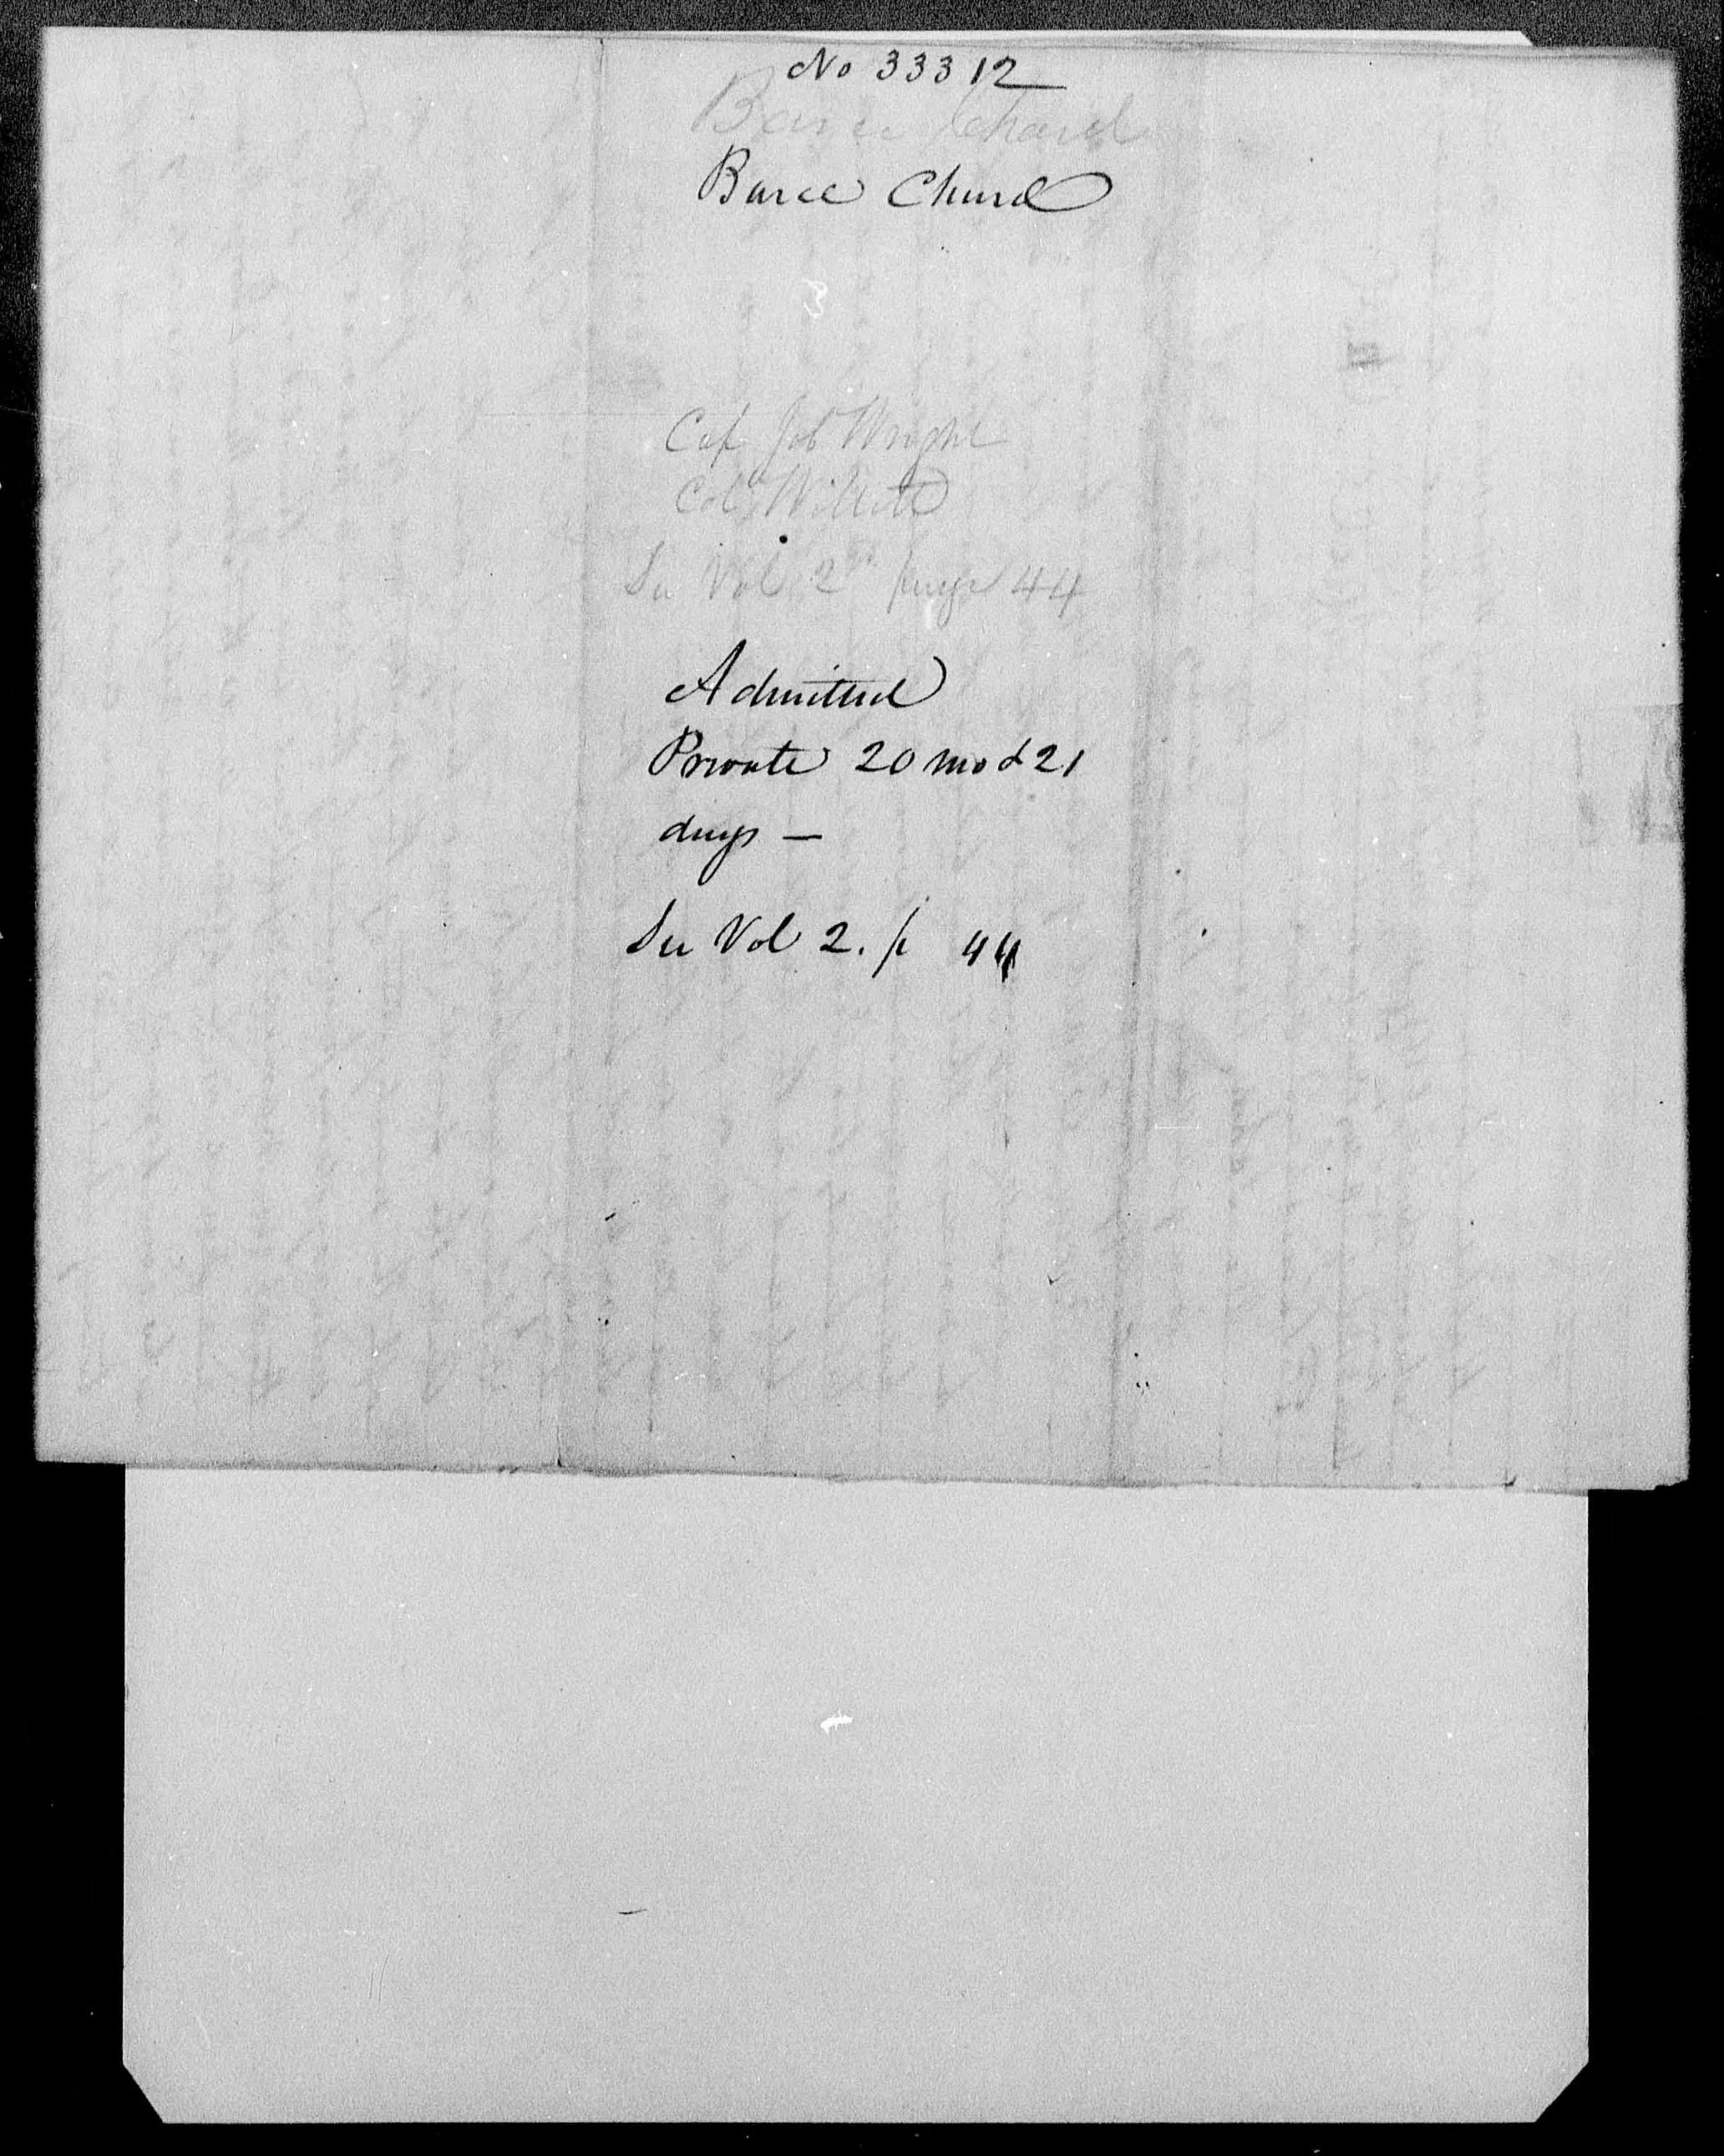No 33312
Barce Chard
Barce Churd


Col. Job Wright
Col. Willett
Su Vol 2 page 44

Admitted
Private 20 mo & 21 days -
Su Vol. 2. p 44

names: Barce Chard, Job Wright, Willett, Barce Chard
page: 5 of 47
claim: widow's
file: W. 10,602, Barce Chard, New York.